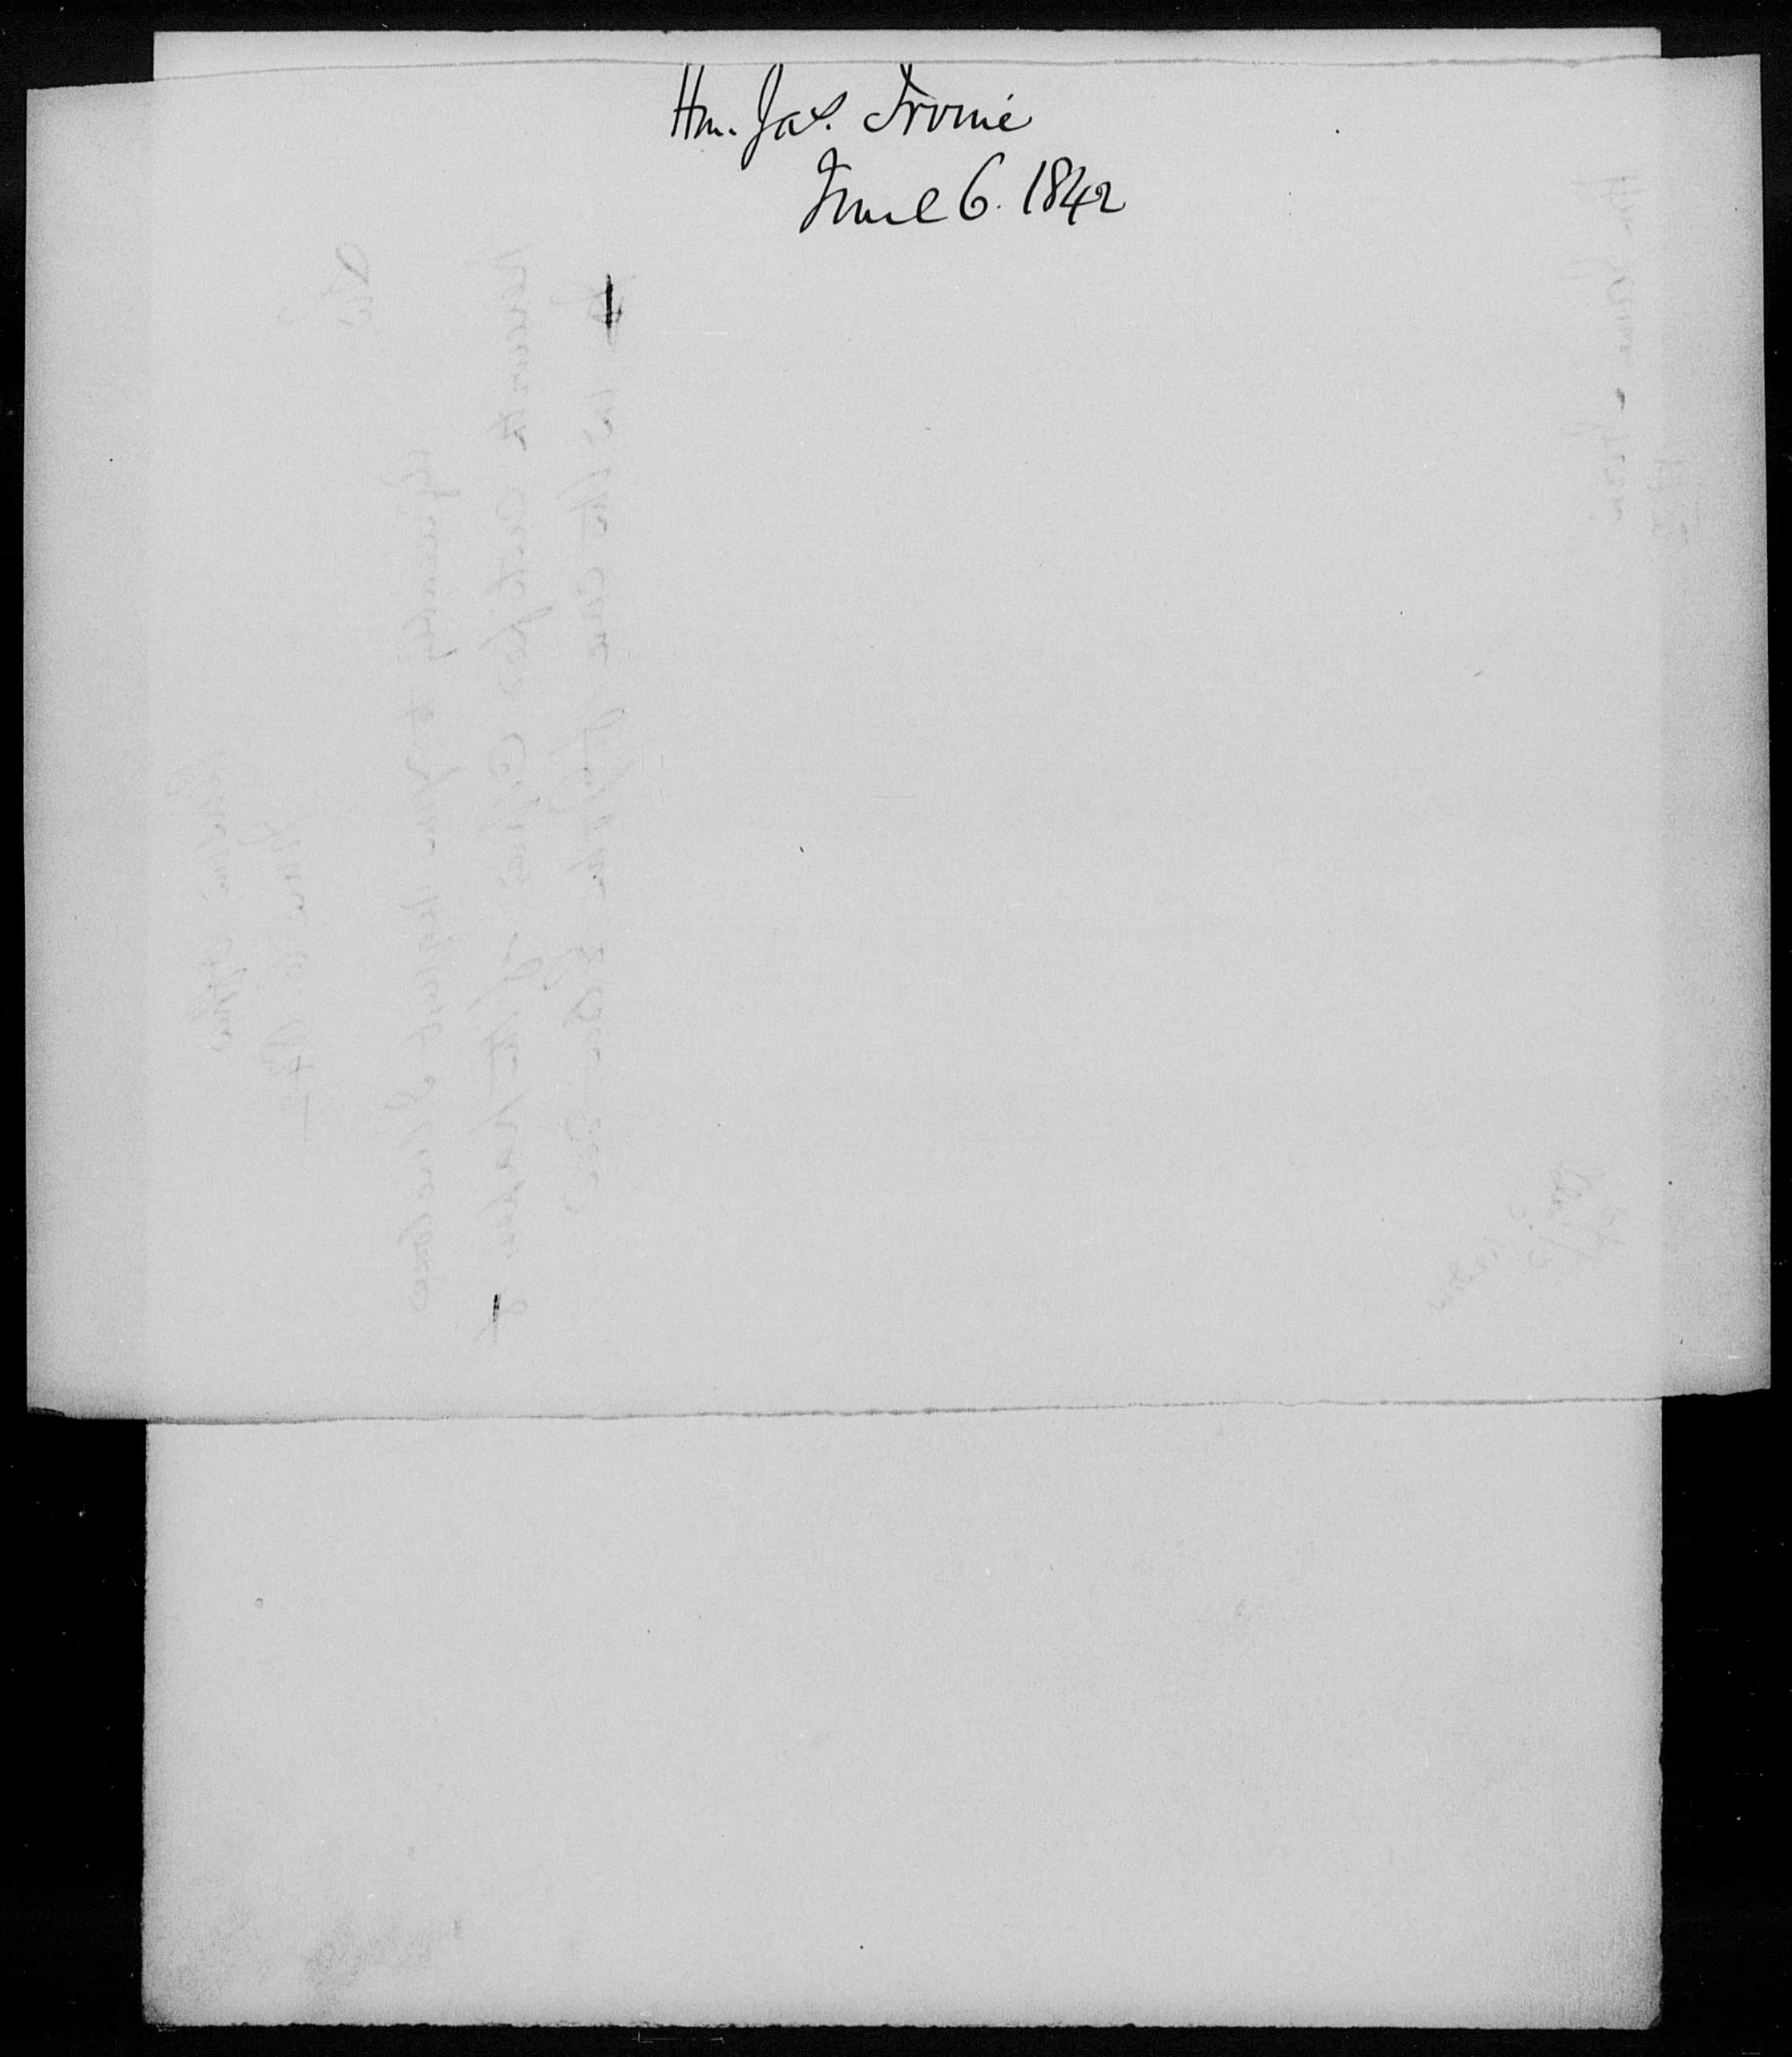Service Number
Penn.
Elder, John
W24117
Mary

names: Jas Irvine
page: 48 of 80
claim: widow's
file: W. 24117, John Elder, Penn.